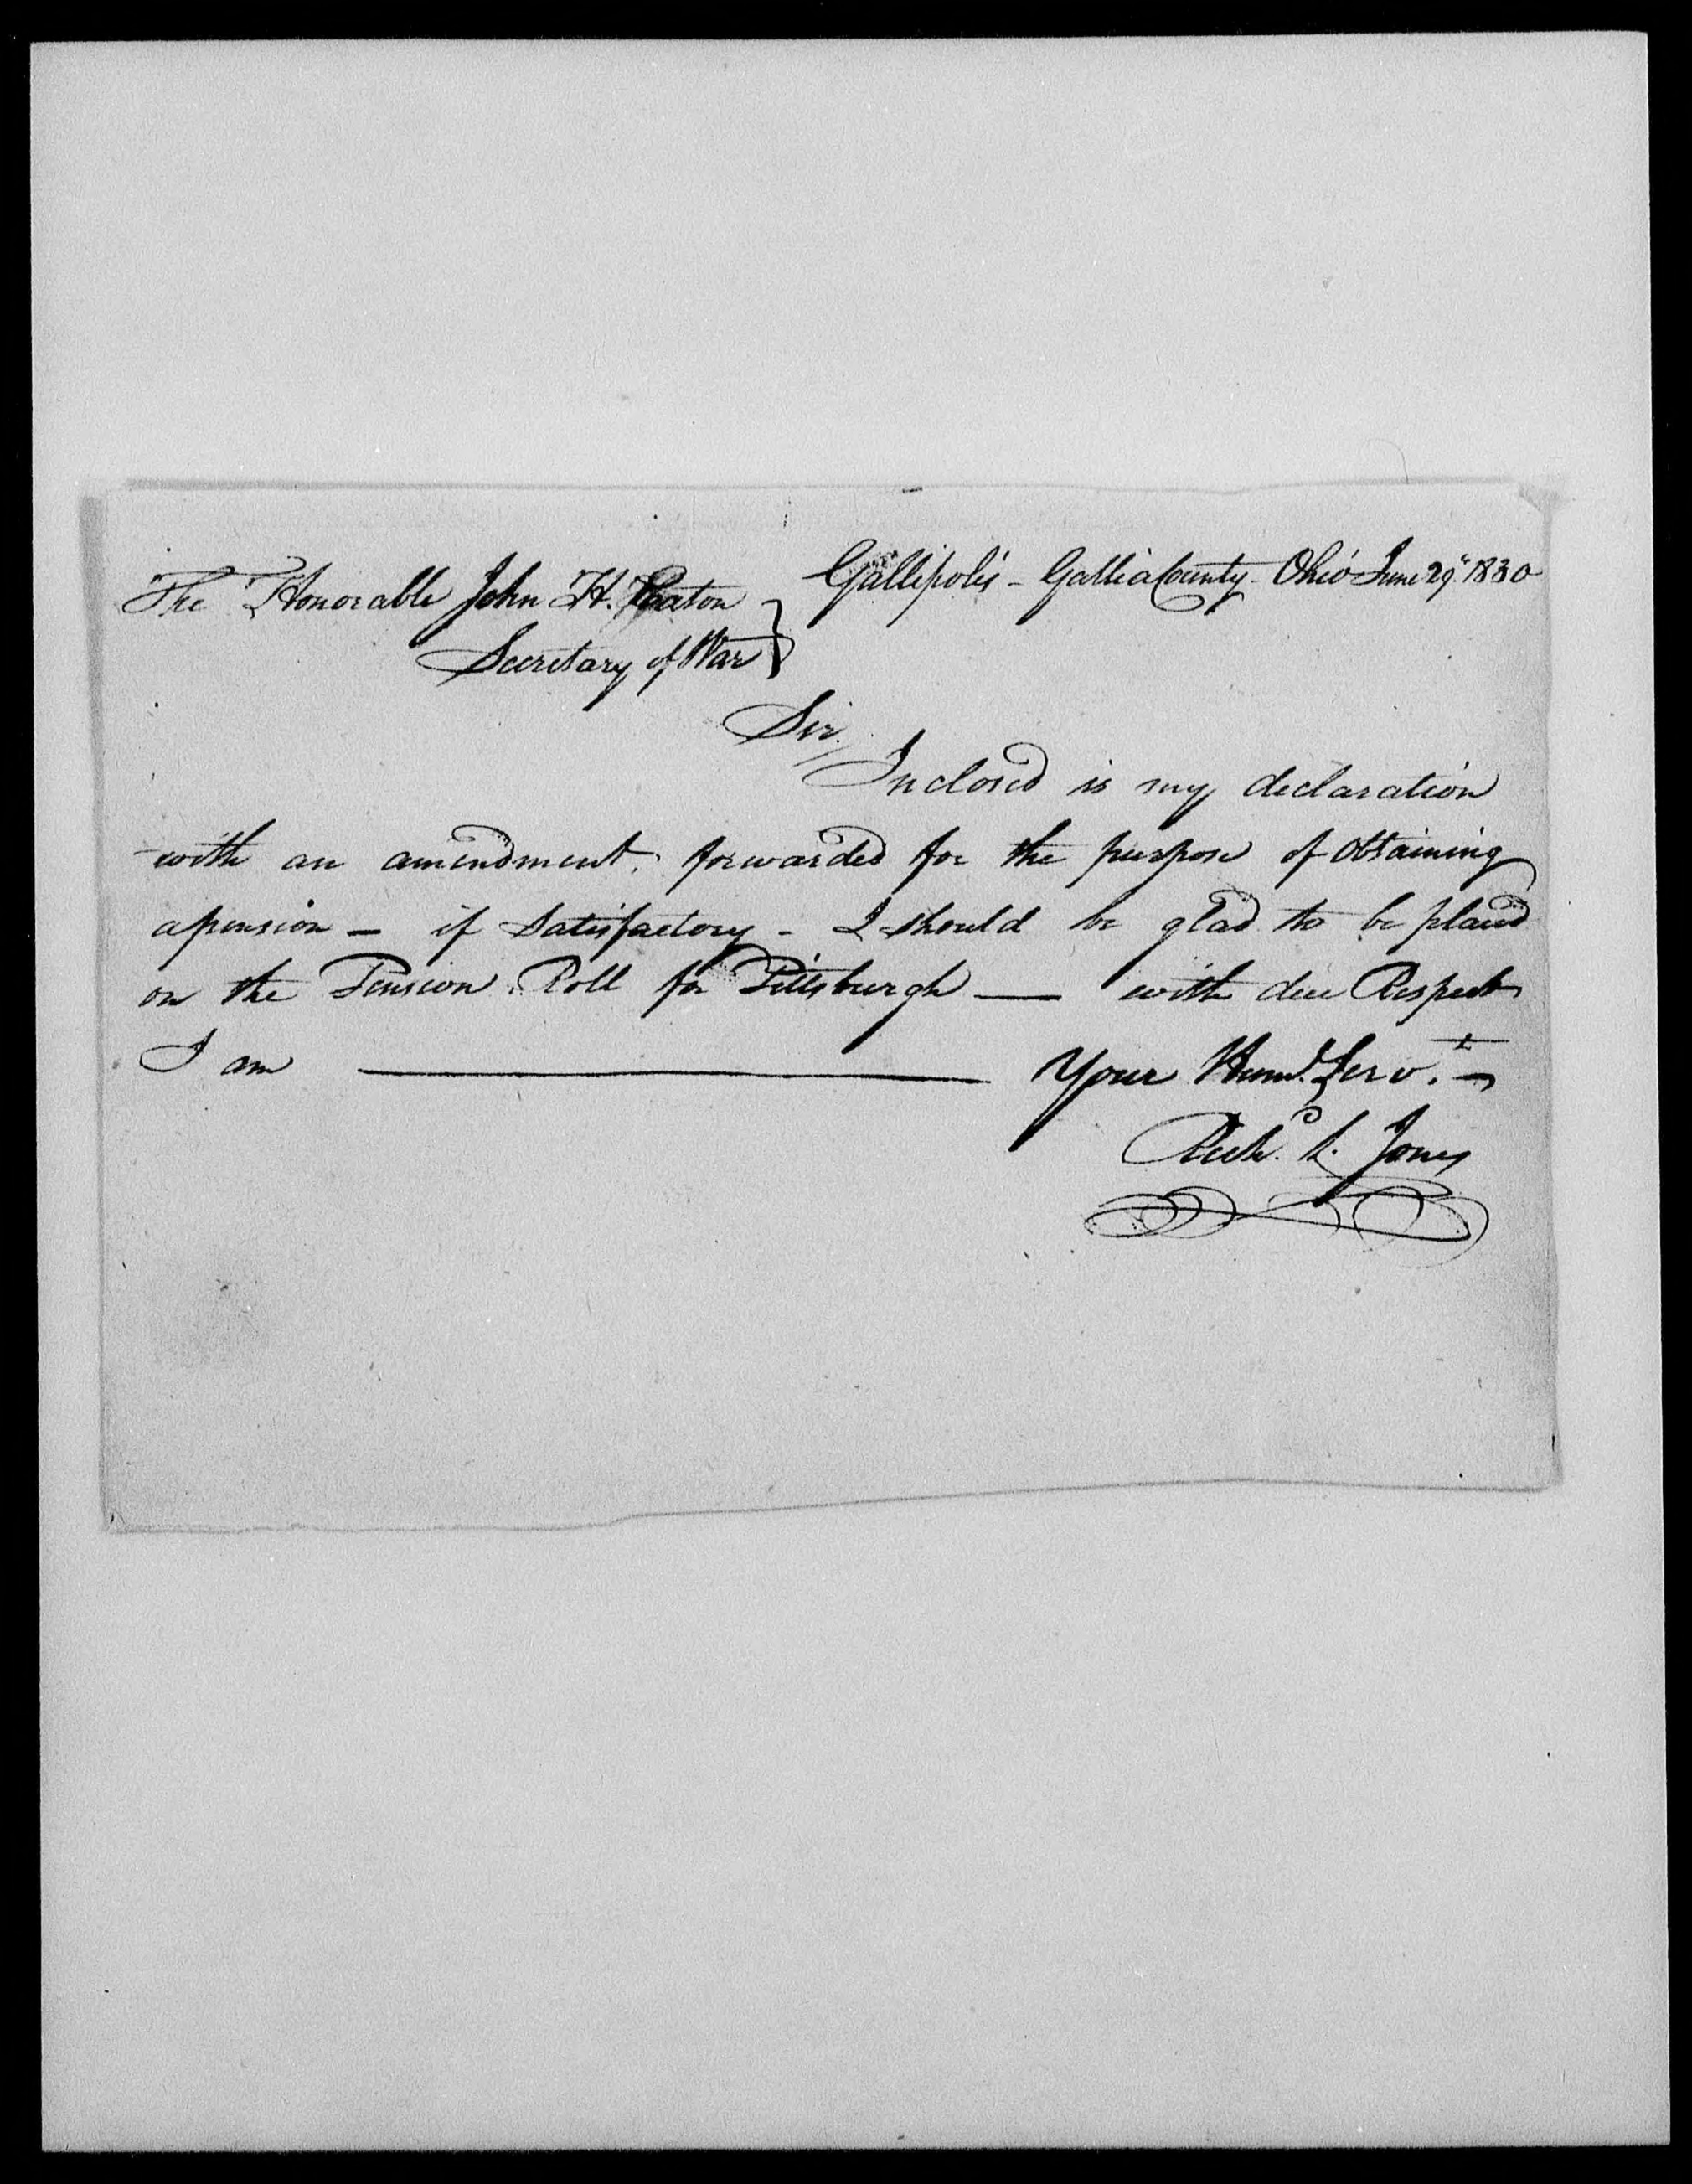The Honorable John H. Eaton
Secretary of War
Gallipolis, Gallia County. Ohio June 29 1830
Sir
Inclosed [enclosed] is my declaration
with an amendment, forwarded for the purpose of obtaining a pension if satisfactory
I should be glad to be placed
on the Pension Roll of Pittsburgh-
I am
your humbl Servt [Your humble servant]

Richd L. Jones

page: 32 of 62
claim: widow's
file: W. 765, for Richard L Jones, Connecticut